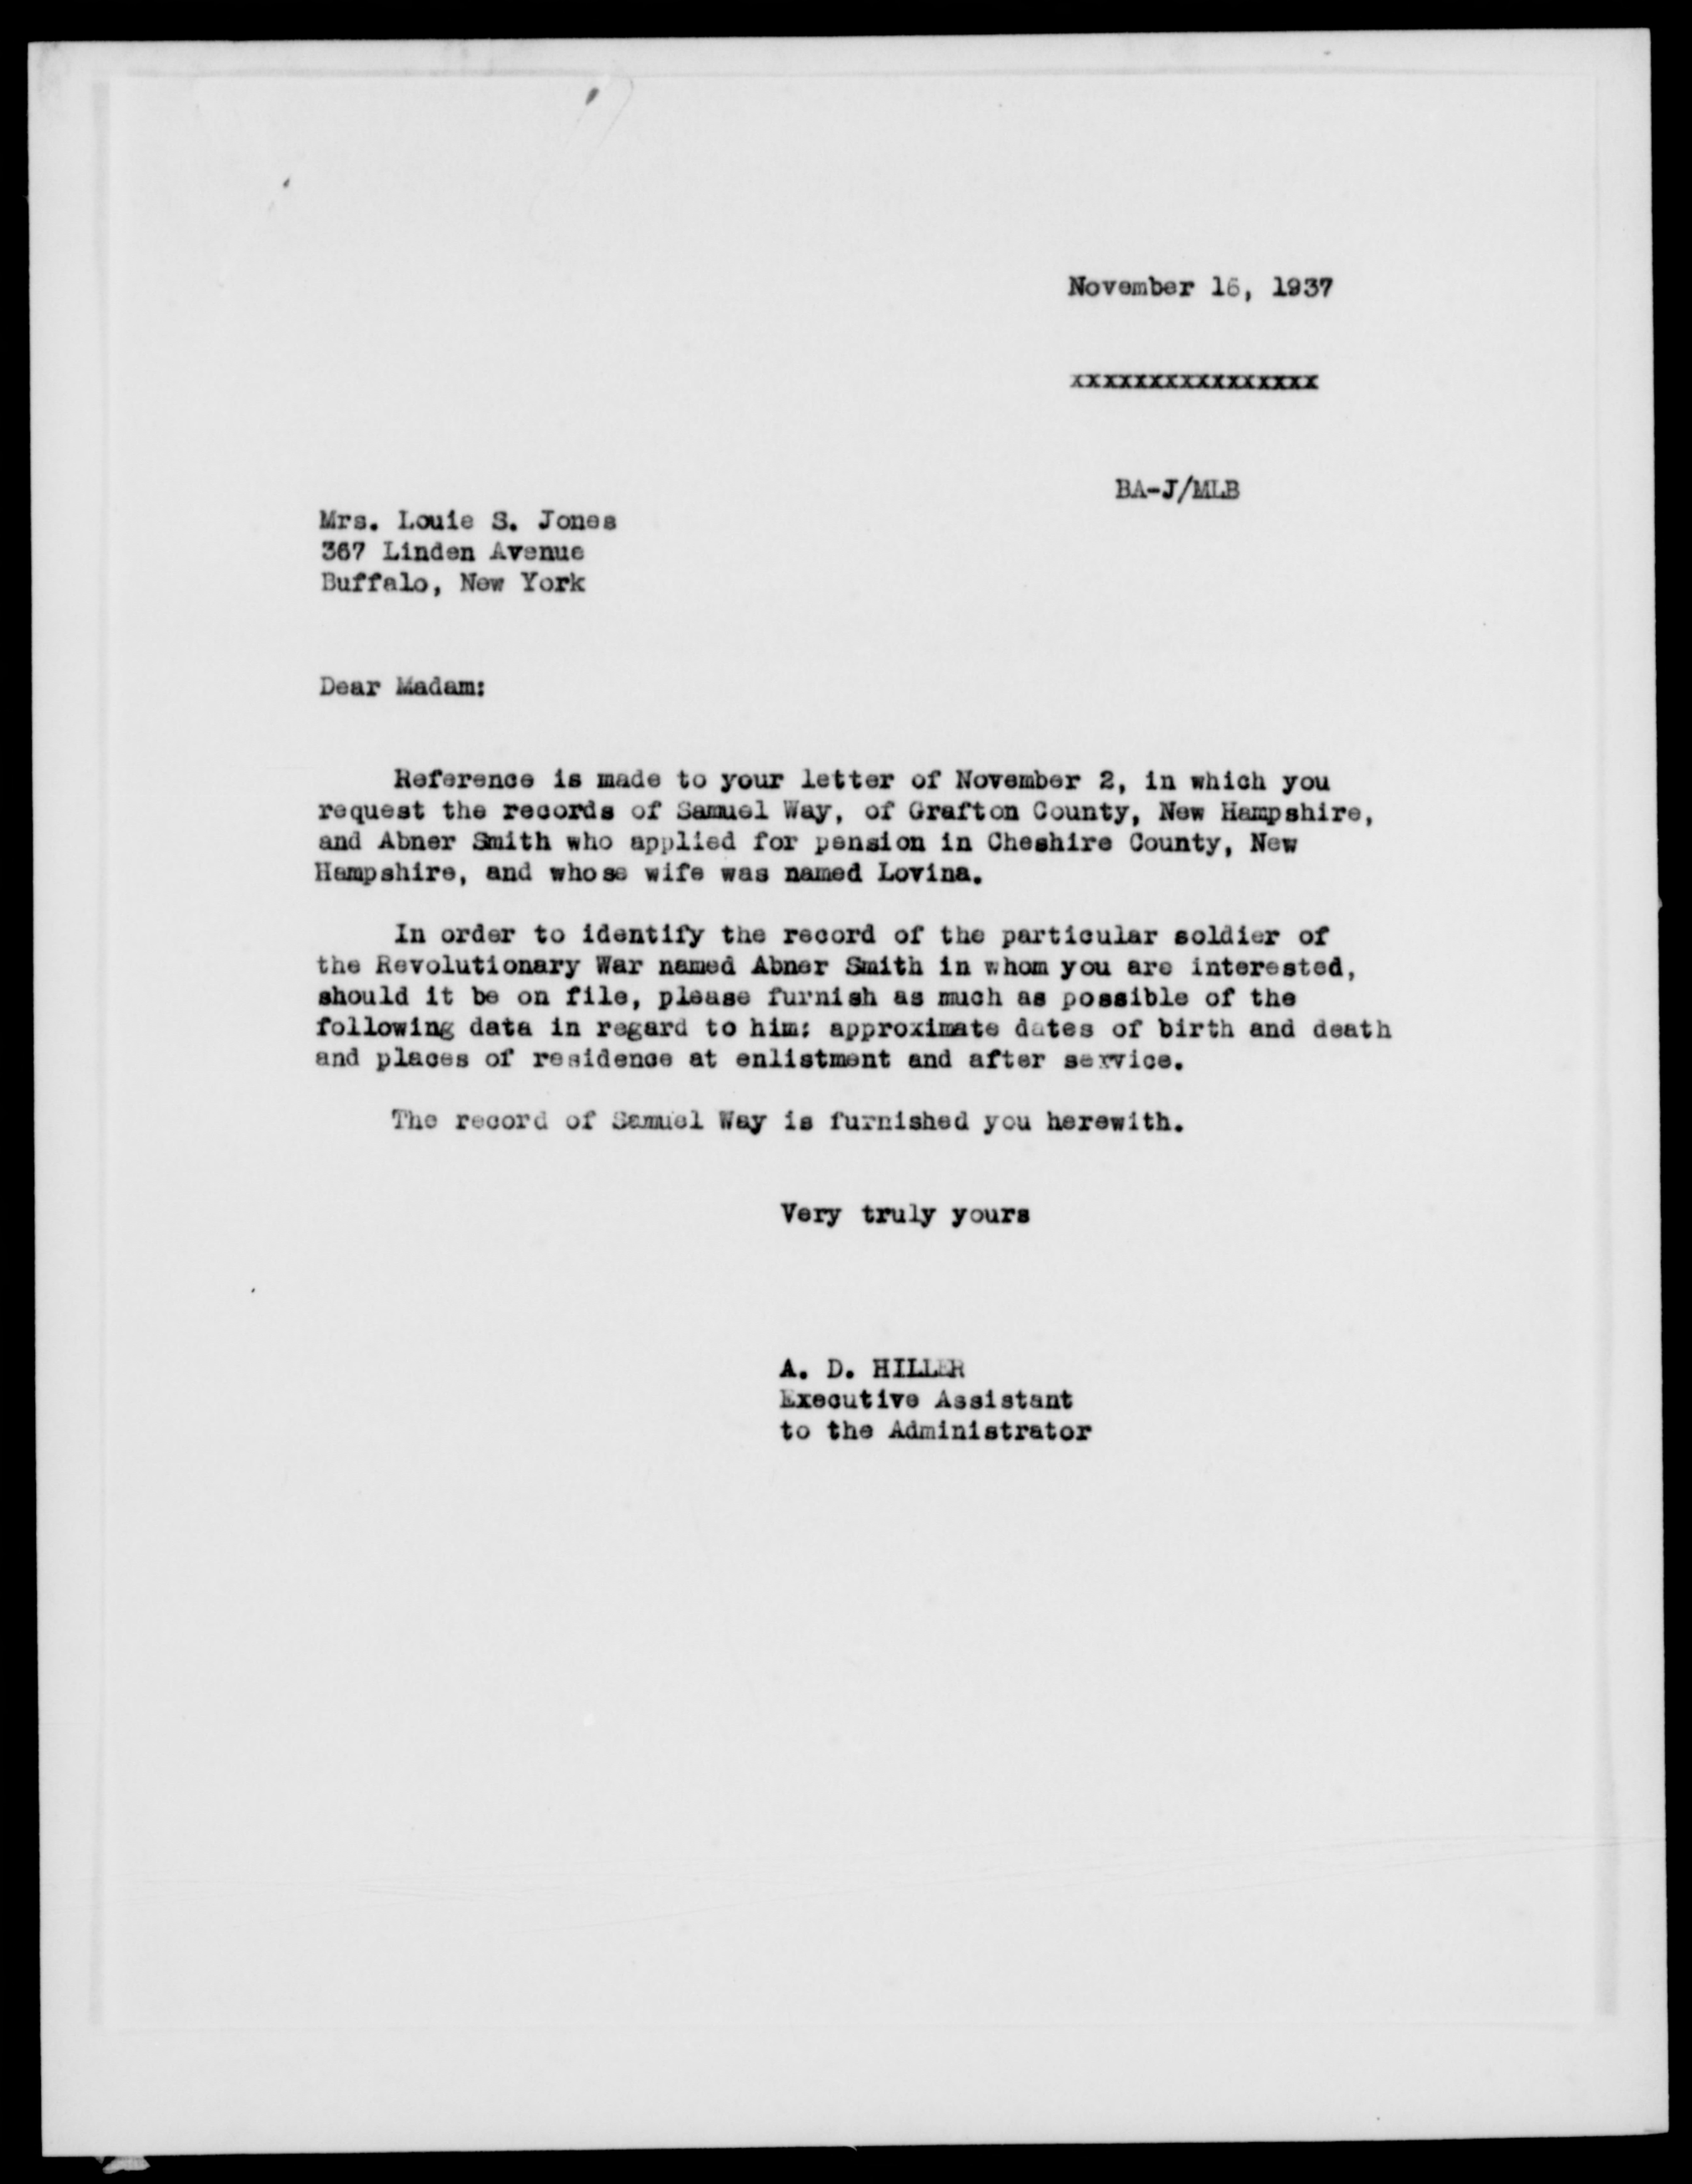November 16, 1937
XXXXXXXXXXXXXXXX
BA-J/MLB

Mrs. Louie S. Jones 
367 Linden Avenue 
Buffalo, New York 

Dear Madam:

Reference is made to your letter of November 2, in which you request the records of Samuel Way, of Grafton County, New Hampshire, and Abner Smith who applied for pension in Cheshire County, New Hampshire, and whose wife was named Lovina. 

In order to identify the record of the particular soldier of the Revolutionary War named Abner Smith in whom you are interested, should it be on file, please furnish as much as possible of the following data in regard to him: approximate dates of birth and death and places of residence at enlistment and after service. 

The record of Samuel Way is furnished you herewith. 

Very truly yours 

A. D. HILLER 
Executive Assistant 
to the Administrator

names: Lovina, A D Hiller, Samuel Way, Abner Smith, Louie S Jones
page: 75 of 78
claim: widow's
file: W. 25856, Samuel Way, N.H.